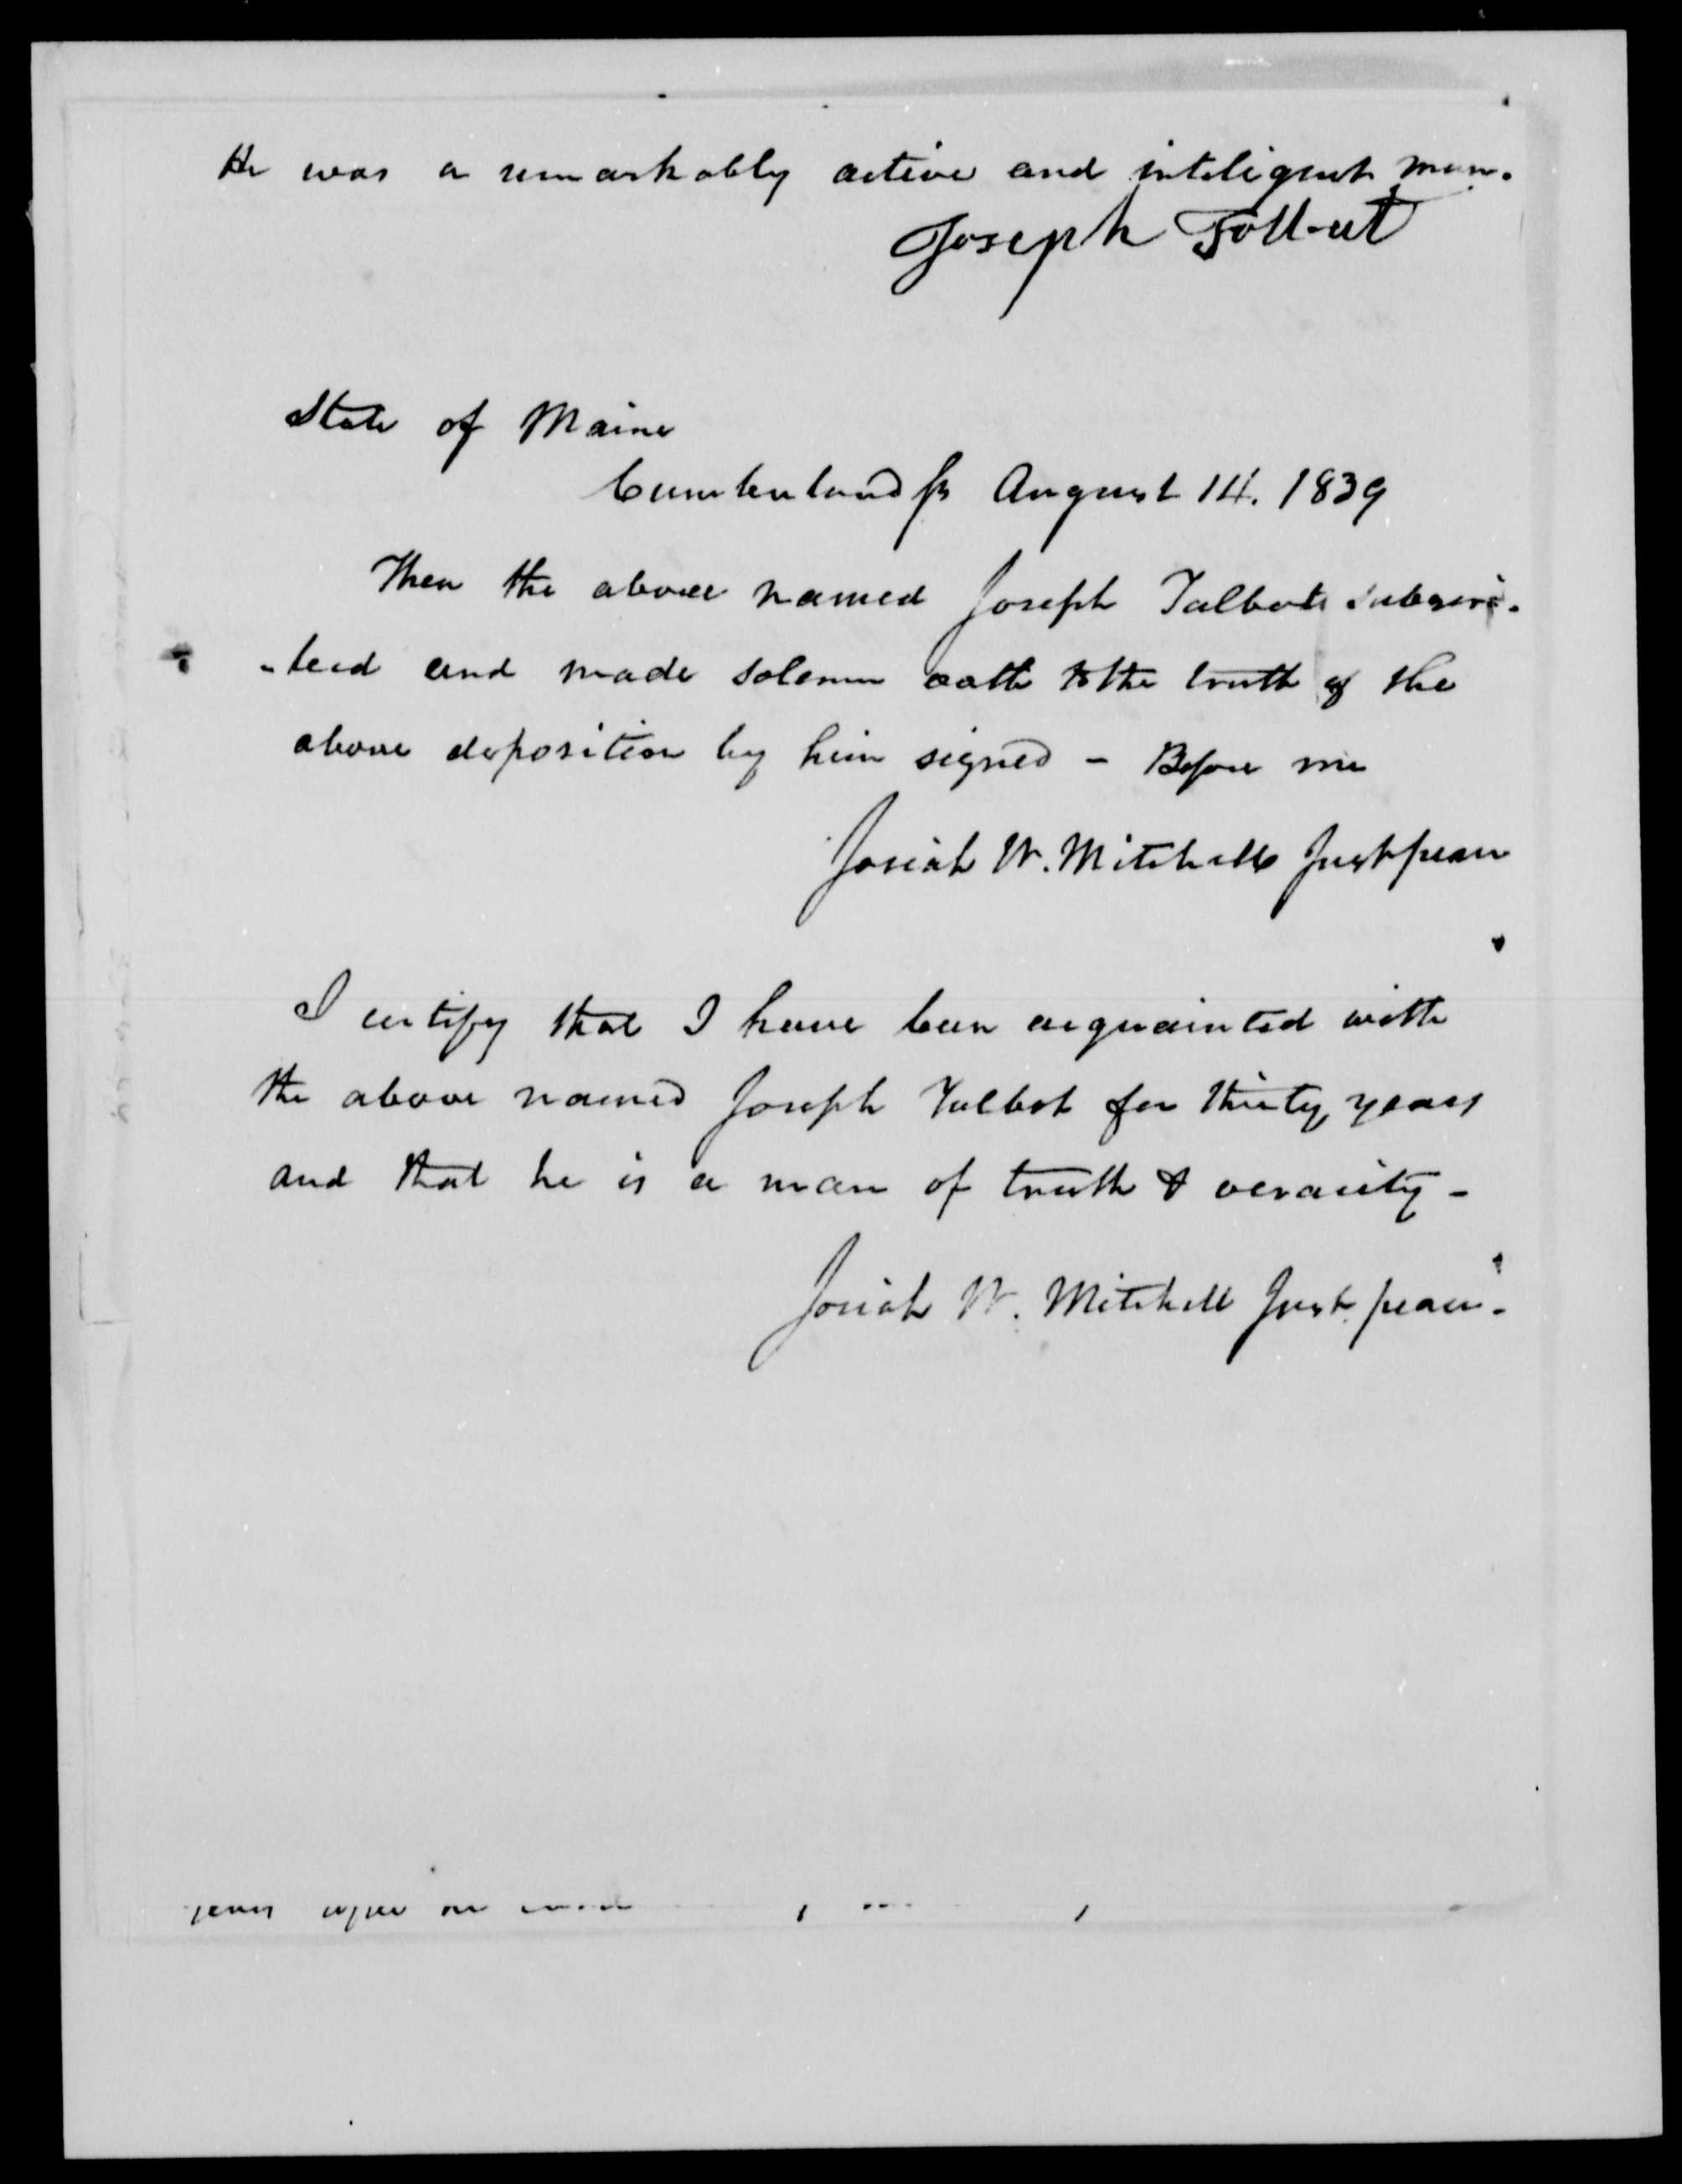[doc is written; page 2 of multipage doc]

He was a remarkably active and intelligent man.
Joseph Talbot

State of Maine
Cumberland ss   August 14, 1839
Then the above name Joseph Talbot subscri
-bed and made solemn oath to the truth of the
above deposition by him signed--- Before me
Josiah W. Mitchell Just peace

I certify that I have been acquainted with
the above named Joseph Talbot for thirty years
and that he is a man of truth & veracity.
Josiah W. Mitchell Just peace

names: Josiah W Mitchell; Joseph Tolbert; Josiah W Mitchell; Joseph Talbot; Joseph Talbot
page: 9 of 20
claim: widow's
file: W. 22,200, for James Sherman, Massachusetts